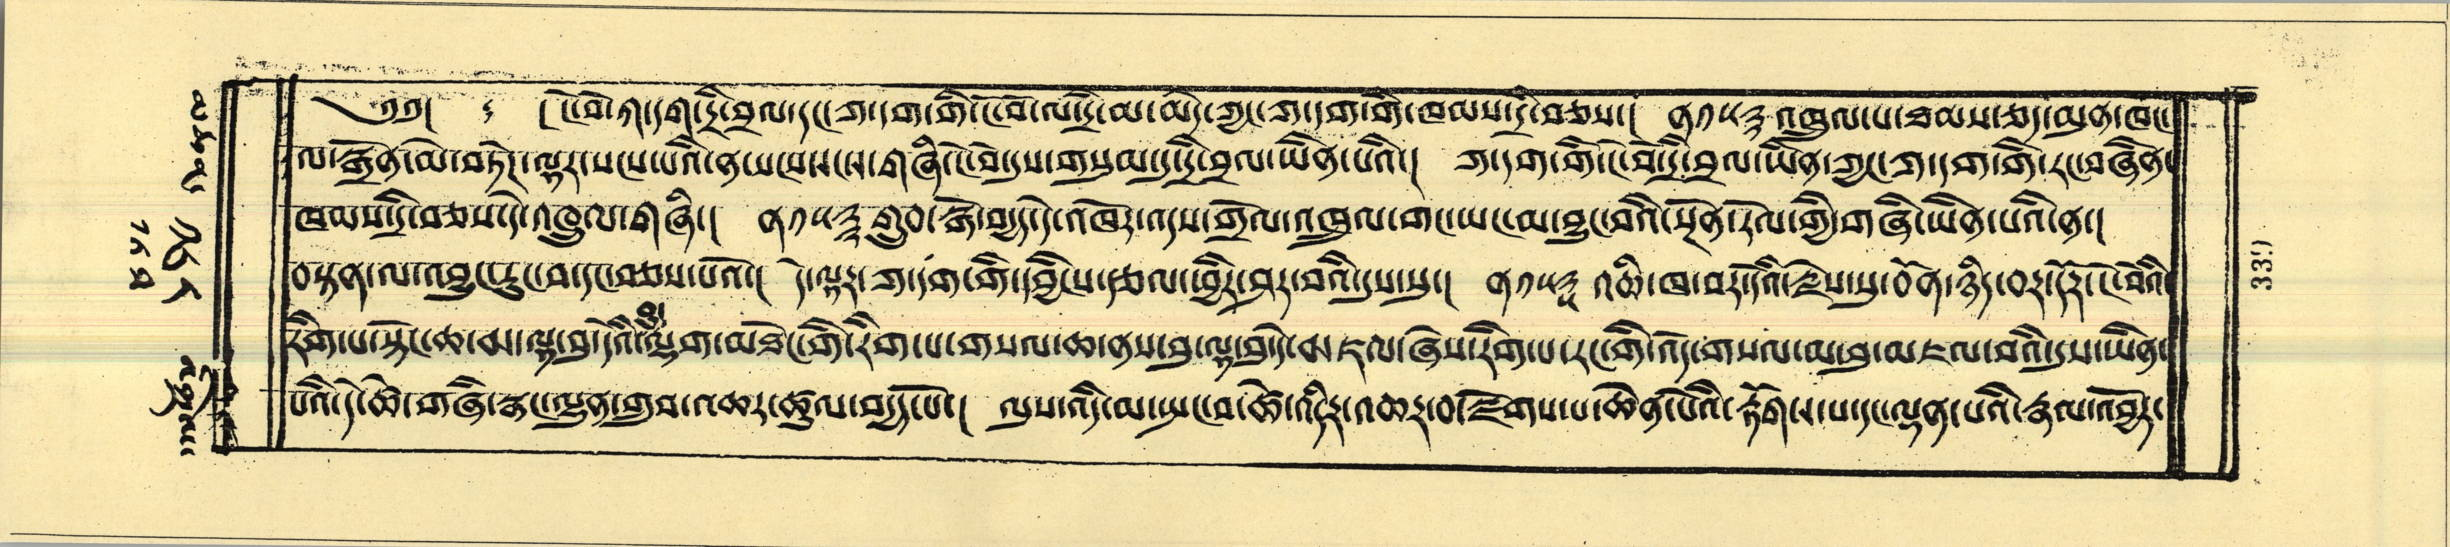ངོ་བོ་ཀ་དག་དྲི་བྲལ་དང་ཀ་དག་གི་ངོ་བོ་ལ་དྲི་མ་མེད་ཀྱང་ཀ་དག་གི་ཁམས་དྲི་བཅས། ན༡༥༢།༡ འཁྲུལ་པ་ཐམས་ཅད་མུན་ཁང་
ལ་སྒྲོན་མེ་བཏེགས་ལྟར་སངས་པའི་ན་སངས་སངས་གཞི་ངོ་བོ་དུས་གསུམ་དུ་དྲི་བྲལ་ཡིན་པའི། ཀ་དག་གི་ངོ་བོ་དྲི་བྲལ་ཡིན་ཀྱང་ཀ་དག་གི་རང་བཞིན་
ཁམས་དྲི་བཅས་དེ་འཁྲུལ་གཞི། ན༡༥༢།༢ གྲུབ་སྒོ་བརྒྱད་དེ་འཁོར་འདས་གྲོལ་འཁྲུལ་གང་ཡང་མ་བྱུང་བའི་སྔོན་རོལ་གྱི་གཞི་ཡིན་པའི་ན། 
བསྟན་ལ་འབྱུང་རུང་བ་དང་བཅས་པའོ། དེ་ལྟར་ཀ་དག་གི་དབྱིངས་རྩལ་ཕྱིར་ཤར་བའི་དུས་སུ། ན༡༥༢།༥ འཆི་ཁ་བར་དོའི་རྗེས་སུ་བོན་ཉིད་བར་དོར་ངོ་བའི་
རིག་པ་སྟོང་ཆ་མ་ལྟ་བུ་དེའི་བུ་ལྷག་མཐོང་གི་རིག་པ་གསལ་ཆ་ནས་བུ་ལྟ་བུ་དེ་མཇལ་ཞེས་རིག་པ་རང་གི་འོད་གསལ་མ་བུ་མཇལ་བའི་དུས་ཡིན་
པའི་དེ་ཚེ་གཞི་སྣང་ལྷུན་གྲུབ་འཆར་ཚུལ་བརྒྱད་པོ། ལུས་འདི་མ་སྤང་བ་ཚེ་འདིར་འཆར་བ་སྫོགས་པ་ཆེན་པོའི་རྟོགས་པ་དང་ལྡན་པའི་རྣལ་འབྱོར་